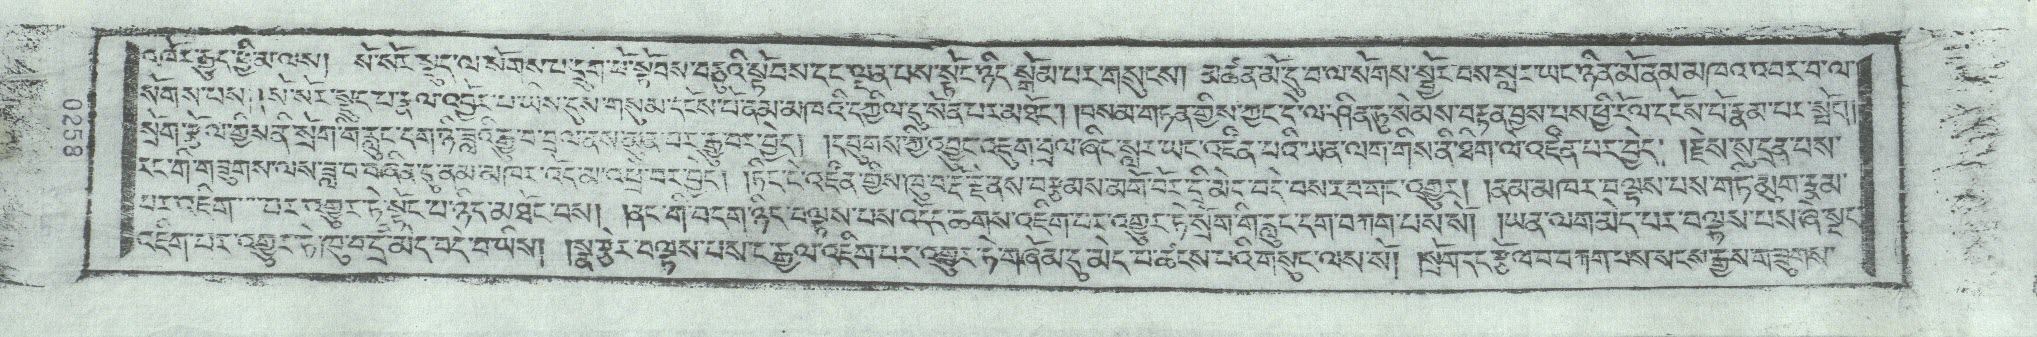འཁོར་རྒྱུད་ཕྱི་མ་ལས། སོ་སོར་སྡུད་ལ་སོགས་པ་དྲུག་པོ་སྟོབས་བཅུའི་སྟོབས་དང་ལྡན་པས་སྟོང་ཉིད་སྒོམ་པར་གསུངས། མཚན་མོ་དུ་བ་ལ་སོགས་སྦྱོར་བས་སླར་ཡང་ཉིན་མོ་ནམ་མཁའ་འབར་བ་ལ་
སོགས་པས། །སོ་སོར་སྡུད་པ་རྣལ་འབྱོར་པ་ཡིས་དུས་གསུམ་དངོས་པོ་ནམ་མཁའི་དཀྱིལ་དུ་སོན་པར་མཐོང་། །བསམ་གཏན་གྱིས་ཀྱང་དེ་ལ་ཤིན་ཏུ་སེམས་བརྟན་བྱས་པས་ཕྱི་རོལ་དངོས་པོ་རྣམ་པར་སྒོག་
སྲོག་རྩོལ་གྱིས་ནི་སྲོག་གི་རླུང་དག་ཉི་ཟླའི་རྒྱུ་བ་བྲལ་ནས་མུན་པར་རྒྱུ་བར་བྱེད། །དབུགས་ཀྱི་འབྱུང་འཇུག་བྲལ་ཞིང་སླར་ཡང་འཛིན་པའི་ཡན་ལག་གིས་ནི་ཐིག་ལ་འཛིན་པར་བྱེད། །རྗེས་སུ་དྲན་པས་
རང་གི་གཟུགས་ལས་ཟླ་བ་བཞིན་དུ་ནམ་མཁར་འོད་མ་འཕྲོ་བར་བྱེད། །ཏིང་ངེ་འཛིན་གྱིས་ཁུ་བ་རྡོ་རྗེ་ནས་བརྩམས་མགོ་བོར་དྲི་མེད་བདེ་བས་རབ་གང་འགྱུར། །ནམ་མཁར་བལྟས་པས་གཏི་མུག་རྣམ་
པར་འཇིག་པར་འགྱུར་ཏེ་སྟོང་པ་ཉིད་མཐོང་བས། །ནང་གི་བདག་ཉིད་བལྟས་པས་འདོད་ཆགས་འཇིག་པར་འགྱུར་ཏེ་སྲོག་གི་རླུང་དག་བཀག་པས་སོ། །ཡན་ལག་མེད་པར་བལྟས་པས་ཞེ་སྡང་
འཇིག་པར་འགྱུར་ཏེ་ཁུ་བ་དྲི་མེད་བདེ་བ་ཡིས། །སྣ་རྩེར་བལྟས་པས་ང་རྒྱལ་འཇིག་པར་འགྱུར་ཏེ་གཞོམ་དུ་མེད་པ་ཚངས་པའི་གསུང་ལས་སོ། །སྲོག་དང་རྩོལ་བ་བཀག་པས་སངས་རྒྱས་གཟུགས་